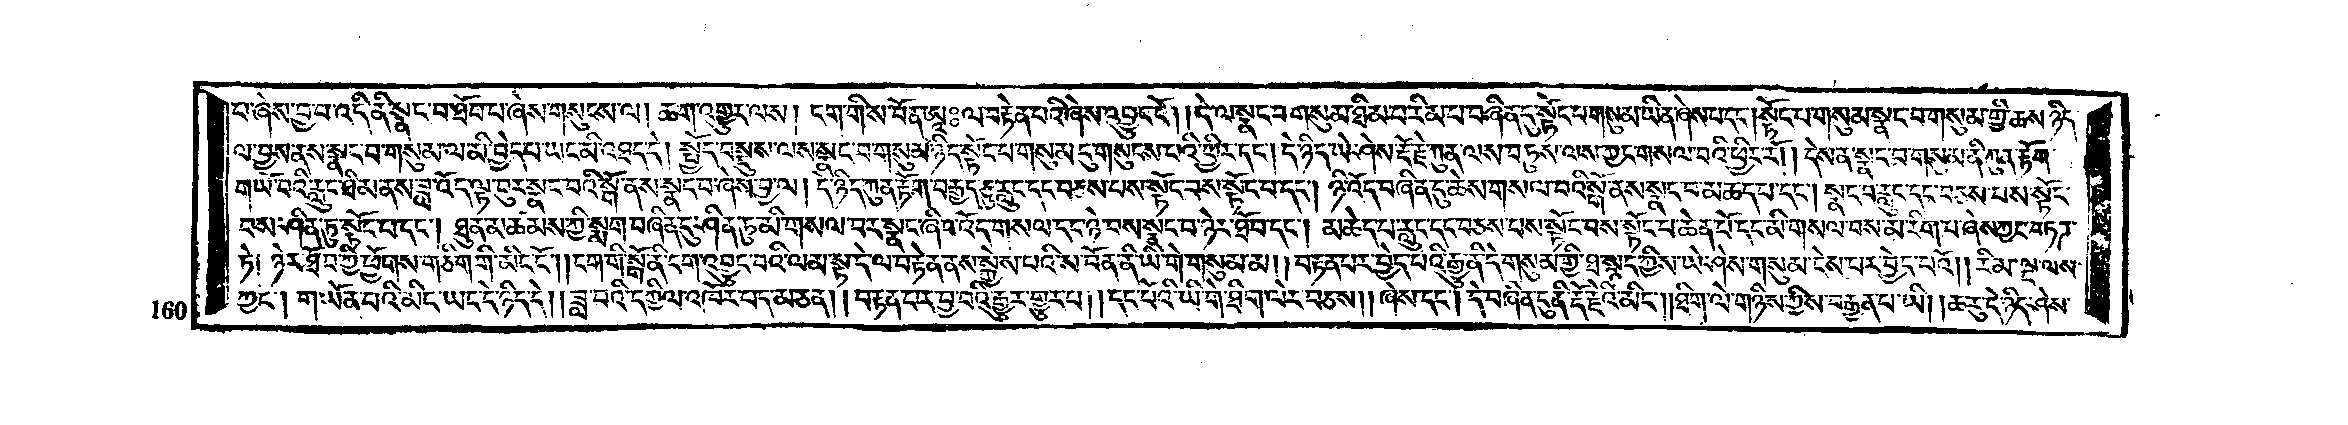པ་ཞེས་བྱ་བ་འདི་ནི་སྣང་བ་ཐོབ་པ་ཞེས་གསུངས་ལ། ཆག་འགྱུར་ལས། ངག་གི་ས་བོན་ཨཱཿ ལ་བརྟེན་པའི་ཞེས་འབྱུང་ངོ། །དེ་ལ་སྣང་བ་གསུམ་ཐིམ་པ་རིམ་པ་བཞིན་དུ་སྟོང་པ་གསུམ་ཡིན་ཞེས་པ་དང་། སྟོང་པ་གསུམ་སྣང་བ་གསུམ་གྱི་ཆོས་ཉིད་
ལ་བྱས་ནས་སྣང་བ་གསུམ་ལ་མི་བྱེད་པ་ཡང་མི་འཐད་དེ། སྤྱོད་བསྡུས་ལས་སྣང་བ་གསུམ་ཉིད་སྟོང་པ་གསུམ་དུ་གསུངས་པའི་ཕྱིར་དང་། དེ་ཉིད་ཡེ་ཤེས་རྡོ་རྗེ་ཀུན་ལས་བཏུས་ལས་ཀྱང་གསལ་བའི་ཕྱིར་རོ། །དེས་ན་སྣང་བ་གསུམ་ནི་ཀུན་རྟོག་
གཡོ་བའི་རླུང་ཐིམ་ནས་ཟླ་འོད་ལྟ་བུར་སྣང་བའི་སྒོ་ནས་སྣང་བ་ཞེས་བྱ་ལ། དེ་ཉིད་ཀུན་རྟོག་བརྒྱད་ཅུ་རླུང་དང་བཅས་པས་སྟོང་བས་སྟོང་པ་དང་། ཉི་འོད་བཞིན་དུ་ཆེས་གསལ་བའི་སྒོ་ནས་སྣང་བ་མཆོད་པ་དང་། སྣང་བ་རླུང་དང་བཅས་པས་སྟོང་
བས་ཤིན་ཏུ་སྟོང་པ་དང་། ཐུན་མཚམས་ཀྱི་སྨག་བཞིན་དུ་ཤིན་ཏུ་མི་གསལ་བར་སྣང་ཞིང་འོད་གསལ་དང་ཉེ་བས་སྣང་བ་ཉེར་ཐོབ་དང་། མཆེད་པ་རླུང་དང་བཅས་པས་སྟོང་བས་སྟོང་པ་ཆེན་པོ་དང་མི་གསལ་བས་མ་རིག་པ་ཞེས་ཀྱང་བཏགས་
ཏེ། ཉེར་ཐོབ་ཀྱི་ཕྱོགས་གཅིག་གི་མིང་ངོ། །ངག་གི་སྒོ་ནི་ངག་འབྱུང་བའི་ལམ་སྟ་དེ་ལ་བརྟེན་ནས་སྐྱེས་པའི་ས་བོན་ནི་ཡི་གེ་གསུམ་མ། །བརྟན་པར་བྱེད་པའི་རྒྱུ་ནི་དེ་གསུམ་གྱི་ཐ་སྙད་ཀྱིས་ཡེ་ཤེས་གསུམ་ངེས་པར་བྱེད་པའོ། །རིམ་ལྔ་ལས་
ཀྱང་། གཡོན་པའི་མིང་ཡང་དེ་ཉིད་དེ། །ཟླ་བའི་དཀྱིལ་འཁོར་པད་མ་ཅན། །བརྟན་པར་བྱ་བའི་རྒྱུར་གྱུར་པ། །དང་པོའི་ཡི་གེ་ཐིག་ལེར་བཅས། །ཞེས་དང་། དེ་བཞིན་དུ་ནི་རྡོ་རྗེའི་མིང་། །ཐིག་ལེ་གཉིས་ཀྱིས་བརྒྱན་པ་ཡི། །ཆ་རུ་དེ་ཉིད་ཤེས་